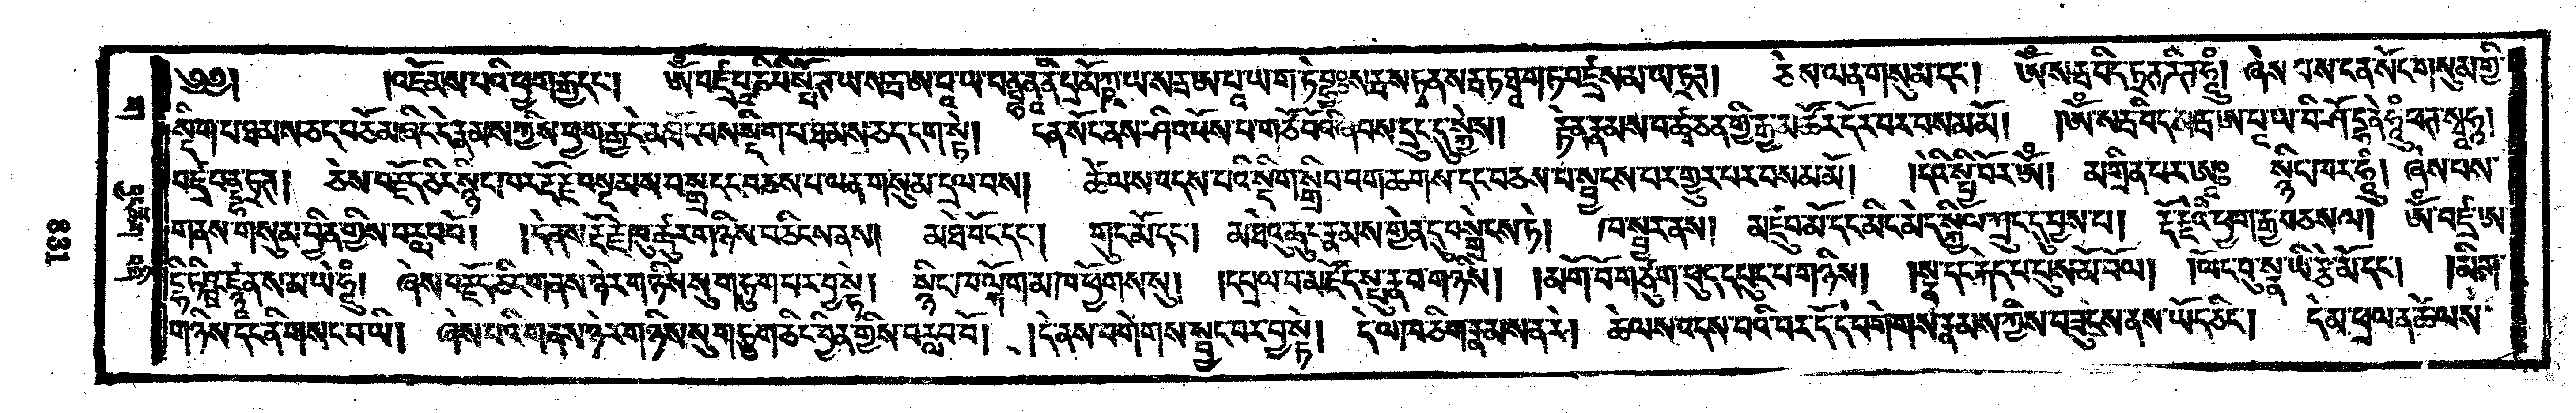༄༅། །འཇོམས་པའི་ཕྱག་རྒྱ་དང་། ཨོཾ་བཛྲ་པཱ་ཎི་པི་སྤོ་ཊ་ཡ་སརྦ་ཨ་པཱ་ཡ་བནྡྷ་ནཱ་ནི་པྲ་མོ་ཀྵ་ཡ་སརྦ་ཨ་པཱ་ཡ་ག་ཏེ་བྷྱཿསརྦས་ཏྭ་ན་སརྦ་ཏ་ཐཱ་ག་ཏ་བཛྲ་ས་མ་ཡ་ཏྲ་ཊ། ཅེས་ལན་གསུམ་དང་། ཨོཾ་སརྦ་བིད་ཏྲ་ཊ་ཌི་ཊ་ཧཱུཾ། ཞེས་པས་ངན་སོང་གསུམ་གྱི་
སྡིག་པ་ཐམས་ཅད་བཅོམ་ཞིང་དེ་རྣམས་ཀྱིས་ཕྱག་རྒྱ་དེ་མཐོང་བས་སྡིག་པ་ཐམས་ཅད་དག་སྟེ། ངན་སོང་ནས་ཤི་འཕོས་པ་གཙོ་བོའི་ཞབས་དྲུང་དུ་སྐྱེས། རྟེན་རྣམས་བ་ཚྭ་ཅན་གྱི་རྒྱ་མཚོར་དོར་བར་བསམ་མོ། །ཨོཾ་སརྦ་བིད་མརྦ་ཨ་པཱ་ཡ་བི་ཤོ་དྷ་ནེ་ཧཱུཾ་ཕཊ་སྭཱཧཱ།
བཛྲ་བནྡྷ་ཏྲ་ཊ། ཅེས་བརྗོད་ཅིང་སྙིང་ཁར་རྡོ་རྗེ་བསྔམས་བསྒྲ་དང་བཅས་པ་ལན་གསུམ་དྲལ་བས། ཚེ་ལས་འདས་པའི་སྡིག་སྒྲིབ་བག་ཆགས་དང་བཅས་པ་སྦྱངས་བར་གྱུར་པར་བསམ་མོ། །དེའི་སྤྱི་བོར་ཨོཾ། མགྲིན་པར་ཨཱཿ སྙིང་ཁར་ཧཱུཾ། ཞེས་པས་
གནས་གསུམ་བྱིན་གྱིས་བརླབ་བོ། །དེ་ནས་རྡོ་རྗེ་ཁུ་ཚུར་གཉིས་བཅིངས་ནས། མཐེ་བོང་དང་། གུང་མོ་དང་། མཐེའུ་ཆུང་རྣམས་གྱེན་དུ་བསྒྲེངས་ཏེ། ཁ་སྦྱར་ནས། མཛུབ་མོ་དང་མིང་མེད་སྐྱིལ་ཀྲུང་དུ་བྱས་པ། རྡོ་རྗེའི་ཕྱག་རྒྱ་བཅས་ལ། ཨོཾ་བཛྲ་ཨ་
དྷི་ཏིཥཊཿཨ་ཛྙཱ་ན་ས་མ་ཡེ་ཧཱུཾ། ཞེས་བརྗོད་ཅིང་གནས་ཉེར་གཉིས་སུ་གཏུག་པར་བྱ་སྟེ། སྙིང་ཁ་ལྐོག་མ་ཁ་ཕྱོགས་སུ། །དཔྲལ་བ་མཛོད་སྤུ་རྣ་བ་གཉིས། །མགོ་བོ་གཙུག་ཕུད་དཔུང་པ་གཉིས། །སྣ་དང་རྐེད་པ་པུས་མོ་བོལ། །ལོང་བུ་སྣ་ཡི་རྩེ་མོ་དང་། །མིག་
གཉིས་དང་ནི་གསང་བ་ཡི། ཞེས་པའི་གནས་ཉེར་གཉིས་སུ་གཏུག་ཅིང་བྱིན་གྱིས་བརླབ་བོ། །དེ་ནས་བགེགས་སྦྱང་བར་བྱ་སྟེ། དེ་ལ་ཁ་ཅིག་རྣམས་ན་རེ། ཆེ་ལས་འདས་པའི་བར་དོ་དེ་བགེགས་རྣམས་ཀྱིས་བཟུངས་ནས་ཡོད་ཅིང་། དེ་མ་ཕྲལ་ན་ཚེ་ལས་